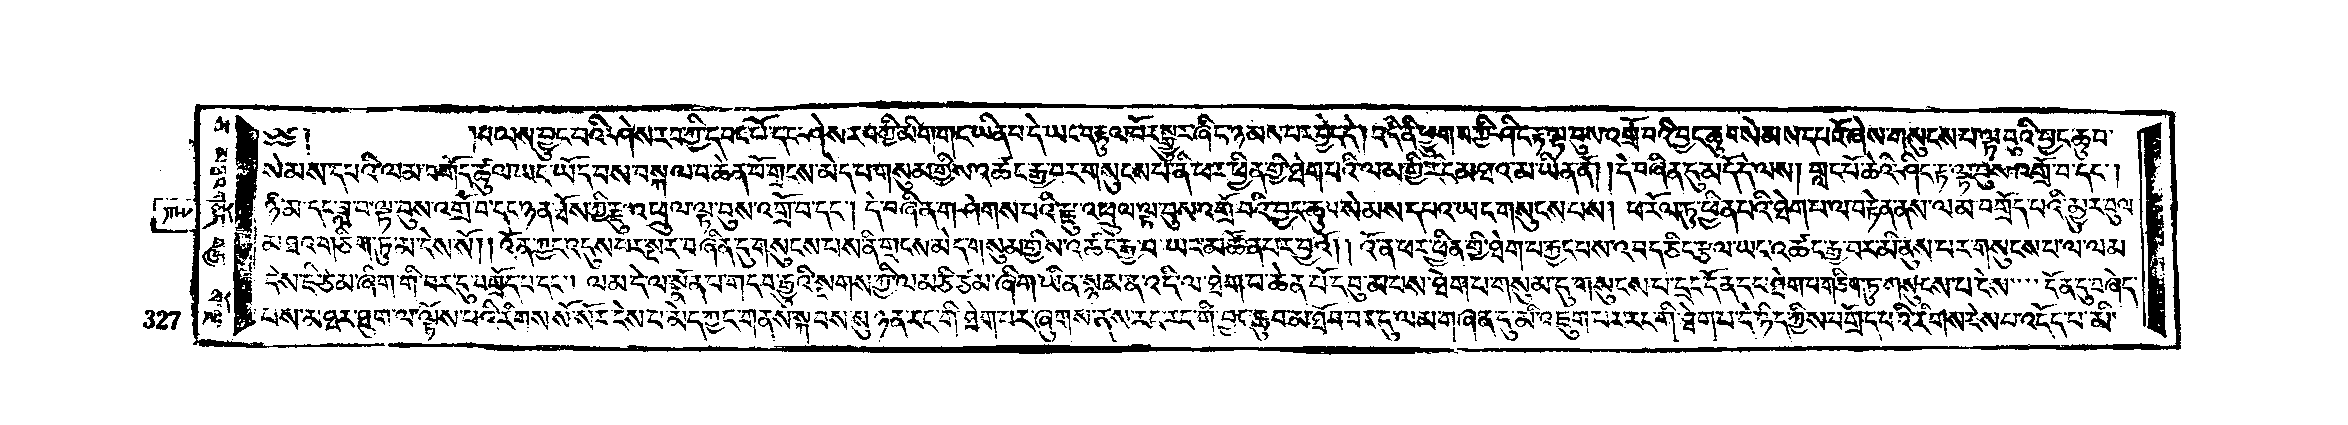༄༅། །པ་ལས་བྱུང་བའི་ཤེས་རབ་ཀྱི་དབང་པོ་དང་ཤེས་རབ་ཀྱི་མིག་གང་ཡིན་པ་དེ་ཡང་བརྟུལ་པོར་སྒྱུར་ཞིང་ཉམས་པར་བྱེད་དེ། འདི་ནི་ཕྱུགས་ཀྱི་ཤིང་རྟ་ལྟ་བུས་འགྲོ་བའི་བྱང་ཆུབ་སེམས་དཔའོ་ཞེས་གསུངས་པ་ལྟ་བུའི་བྱང་ཆུབ་
སེམས་དཔའི་ལམ་བགོད་ཚུལ་ཡང་ཡོད་པས་བསྐལ་བ་ཆེན་པོ་གྲངས་མེད་པ་གསུམ་གྱིས་འཚང་རྒྱ་བར་གསུངས་པ་ནི་ཕར་ཕྱིན་གྱི་ཐེག་པའི་ལམ་གྱི་རིང་མཐའ་མ་ཡིན་ནོ། །དེ་བཞིན་དུ་མདོ་དེ་ལས། གླང་པོ་ཆེའི་ཤིང་རྟ་ལྟ་བུས་འགྲོ་བ་དང་།
ཉི་མ་དང་ཟླ་བ་ལྟ་བུས་འགྲོ་བ་དང་ཉན་ཐོས་ཀྱི་རྫུ་འཕྲུལ་ལྟ་བུས་འགྲོ་བ་དང་། དེ་བཞིན་གཤེགས་པའི་རྫུ་འཕྲུལ་ལྟ་བུས་འགྲོ་བའི་བྱང་ཆུབ་སེམས་དཔའ་ཡང་གསུངས་པས། ཕ་རོལ་ཏུ་ཕྱིན་པའི་ཐེག་པ་ལ་བརྟེན་ནས་ལམ་བགྲོད་པའི་མྱུར་བུལ་
མཐའ་གཅིག་ཏུ་མ་ངེས་སོ། །འོན་ཀྱང་འདུས་པར་སྔར་བཞིན་དུ་གསུངས་པས་ནི་གྲངས་མེད་གསུམ་གྱིས་འཚང་རྒྱ་བ་ཡང་མཚོན་པར་བྱའོ། །འོ་ན་ཕར་ཕྱིན་གྱི་ཐེག་པ་རྐྱང་པས་འབད་ཅིང་རྩལ་ཡང་འཚང་རྒྱ་བར་མི་ནུས་པར་གསུངས་པ་ལ་ལམ་
དེས་ཇི་ཙམ་ཞིག་གི་བར་དུ་བགྲོད་པ་དང་། ལམ་དེ་ལ་སྣོན་པ་གདབ་རྒྱུའི་སྔགས་ཀྱི་ལམ་ཅི་ཙམ་ཞིག་ཡིན་སྙམ་ན་འདི་ལ་ཐེག་པ་ཆེན་པོ་དབུ་མ་པས་ཐེག་པ་གསུམ་དུ་གསུངས་པ་དྲང་དོན་དང་ཐེག་པ་གཅིག་ཏུ་གསུངས་པ་ངེས་དོན་དུ་བཞེད་
པས་མཐར་ཐུག་ལ་ལྟོས་པའི་རིགས་སོ་སོར་ངེས་པ་མེད་ཀྱང་གནས་སྐབས་སུ་ཉན་རང་གི་ཐེག་པར་ཞུགས་ནས་རང་རང་གི་བྱང་ཆུབ་མ་ཐོབ་བར་དུ་ལམ་གཞན་དུ་མི་འཇུག་པར་རང་གི་ཐེག་པ་དེ་ཉིད་ཀྱིས་བགྲོད་པའི་རིགས་ངེས་པ་འདོད་པ་མི་